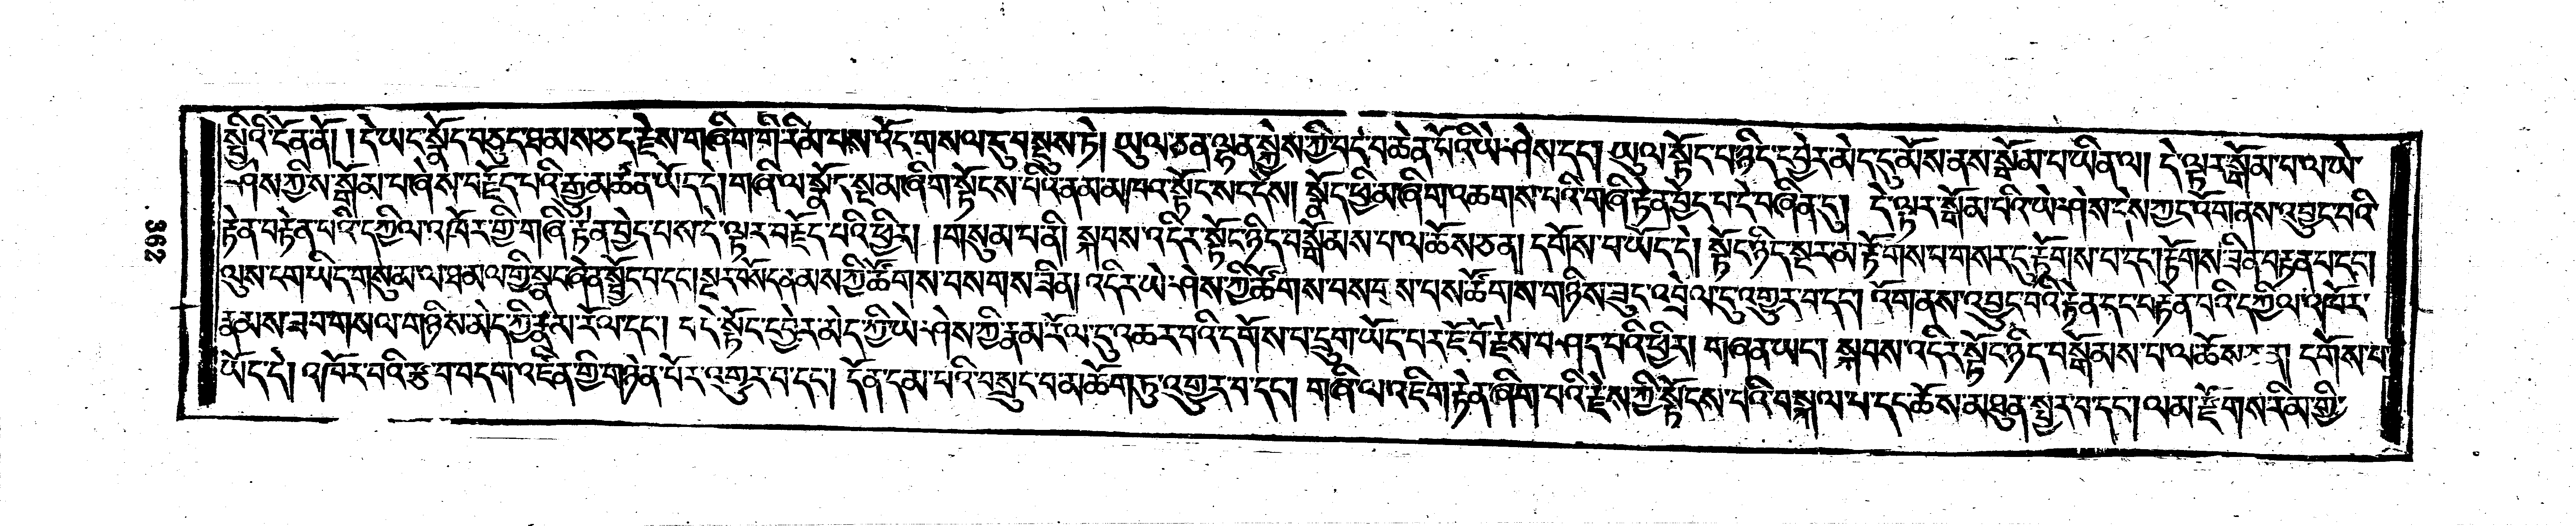སྤྱིའི་དོན་ནོ། །དེ་ཡང་སྣོད་བཅུད་ཐམས་ཅད་རྗེས་གཞིག་གི་རིམ་པས་འོད་གསལ་དུ་བསྡུས་ཏེ། ཡུལ་ཅན་ལྷན་སྐྱེས་ཀྱི་བདེ་བ་ཆེན་པོའི་ཡེ་ཤེས་དང་། ཡུལ་སྟོང་པ་ཉིད་དབྱེར་མེད་དུ་མོས་ནས་སྒོམ་པ་ཡིན་ལ། དེ་ལྟར་སྒོམ་པ་ལ་ཡེ་
ཤེས་ཀྱིས་སྒོམ་པ་ཞེས་བརྗོད་པའི་རྒྱུ་མཚན་ཡོད་དེ། གཞི་ལ་སྣོད་སྔ་མ་ཞིག་སྟོངས་པའི་ནམ་མཁའ་སྟོང་སང་དེས། སྣོད་ཕྱི་མ་ཞིག་འཆགས་པའི་གཞི་རྟེན་བྱེད་པ་དེ་བཞིན་དུ། དེ་ལྟར་སྒོམ་པའི་ཡེ་ཤེས་དེས་ཀྱང་འོག་ནས་འགྱུར་བའི་
རྟེན་བརྟེན་པའི་དཀྱིལ་འཁོར་གྱི་གཞི་རྟེན་བྱེད་པས་དེ་ལྟར་བརྗོད་པའི་ཕྱིར། །གསུམ་པ་ནི། སྐབས་འདིར་སྟོང་ཉིད་བསྒོམས་པ་ལ་ཆོས་ཅན། དགོས་པ་ཡོད་དེ། སྟོང་ཉིད་སྔར་མ་རྟོགས་པ་གསར་དུ་རྟོགས་པ་དང་། རྟོགས་ཟིན་བརྟན་པ་དང་།
ལུས་ངག་ཡིད་གསུམ་ལ་ཐ་མལ་གྱི་སྣང་ཞེན་སྦྱོང་བ་དང་། སྔར་བསོད་ནམས་ཀྱི་ཚོགས་བསགས་ཟིན། འདིར་ཡེ་ཤེས་ཀྱི་ཚོགས་བསགས་པས་ཚོགས་གཉིས་ཟུང་འབྲེལ་དུ་འགྱུར་བ་དང་། འོག་ནས་འབྱུང་བའི་རྟེན་དང་བརྟེན་པའི་དཀྱིལ་འཁོར་
རྣམས་ཟབ་གསལ་གཉིས་མེད་ཀྱི་རྣམ་རོལ་དང་། བདེ་སྟོང་དབྱེར་མེད་ཀྱི་ཡེ་ཤེས་ཀྱི་རྣམ་རོལ་དུ་འཆར་བའི་དགོས་པ་དྲུག་ཡོད་པར་ཇོ་བོ་རྗེས་བཤད་པའི་ཕྱིར། གཞན་ཡང་། སྐབས་འདིར་སྟོང་ཉིད་བསྒོམས་པ་ལ་ཆོས་ཅན། དགོས་པ་
ཡོད་དེ། འཁོར་བའི་རྩ་བ་བདག་འཛིན་གྱི་གཉེན་པོར་འགྱུར་བ་དང་། དོན་དམ་པའི་བསྲུང་བ་མཆོག་ཏུ་འགྱུར་བ་དང་། གཞི་ལ་འཇིག་རྟེན་ཞིག་པའི་རྗེས་ཀྱི་སྟོངས་པའི་བསྐལ་བ་དང་ཆོས་མཐུན་སྦྱར་བ་དང་། ལམ་རྫོགས་རིམ་གྱི་